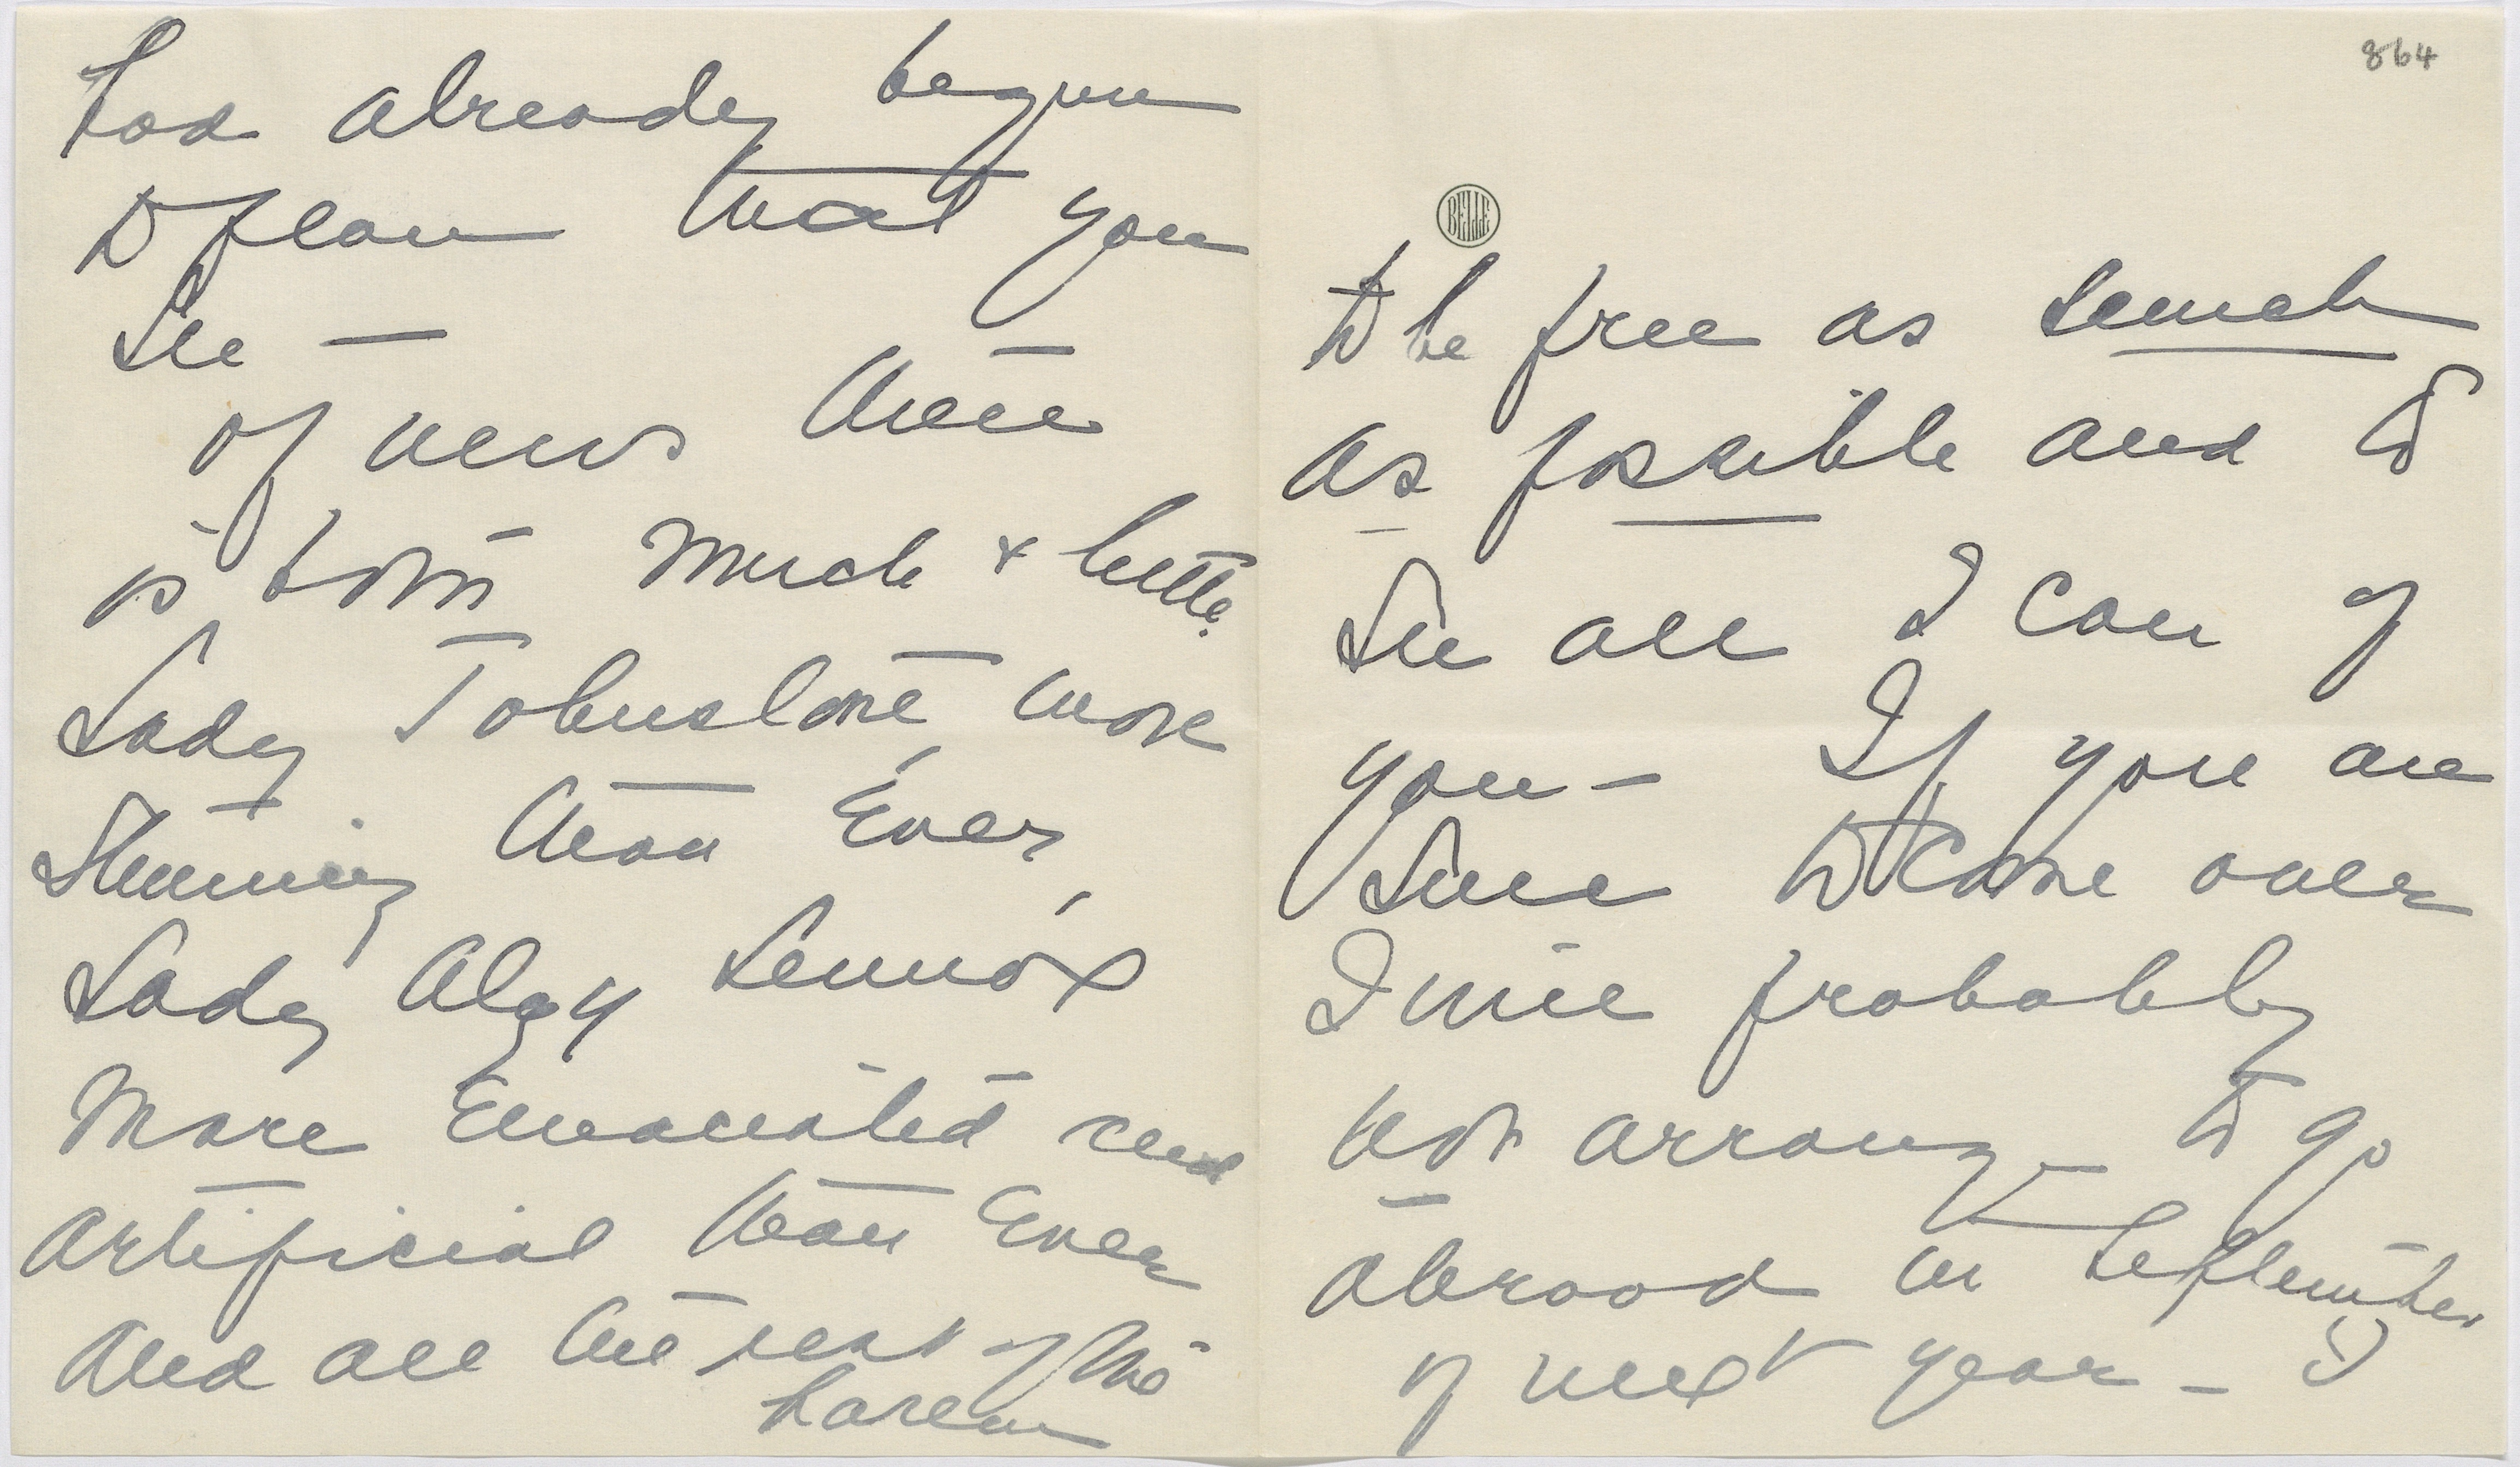to be free as much as possible and to see all I can of you – If you are sure to come over I will probably not arrange to go abroad in September of next year – I
had already begun to plan that you see –
Of news there is both much & little. Lady Johnstone, more stunning than ever, Lady Algy Lennox more emaciated and artificial than ever and all the rest of the harem